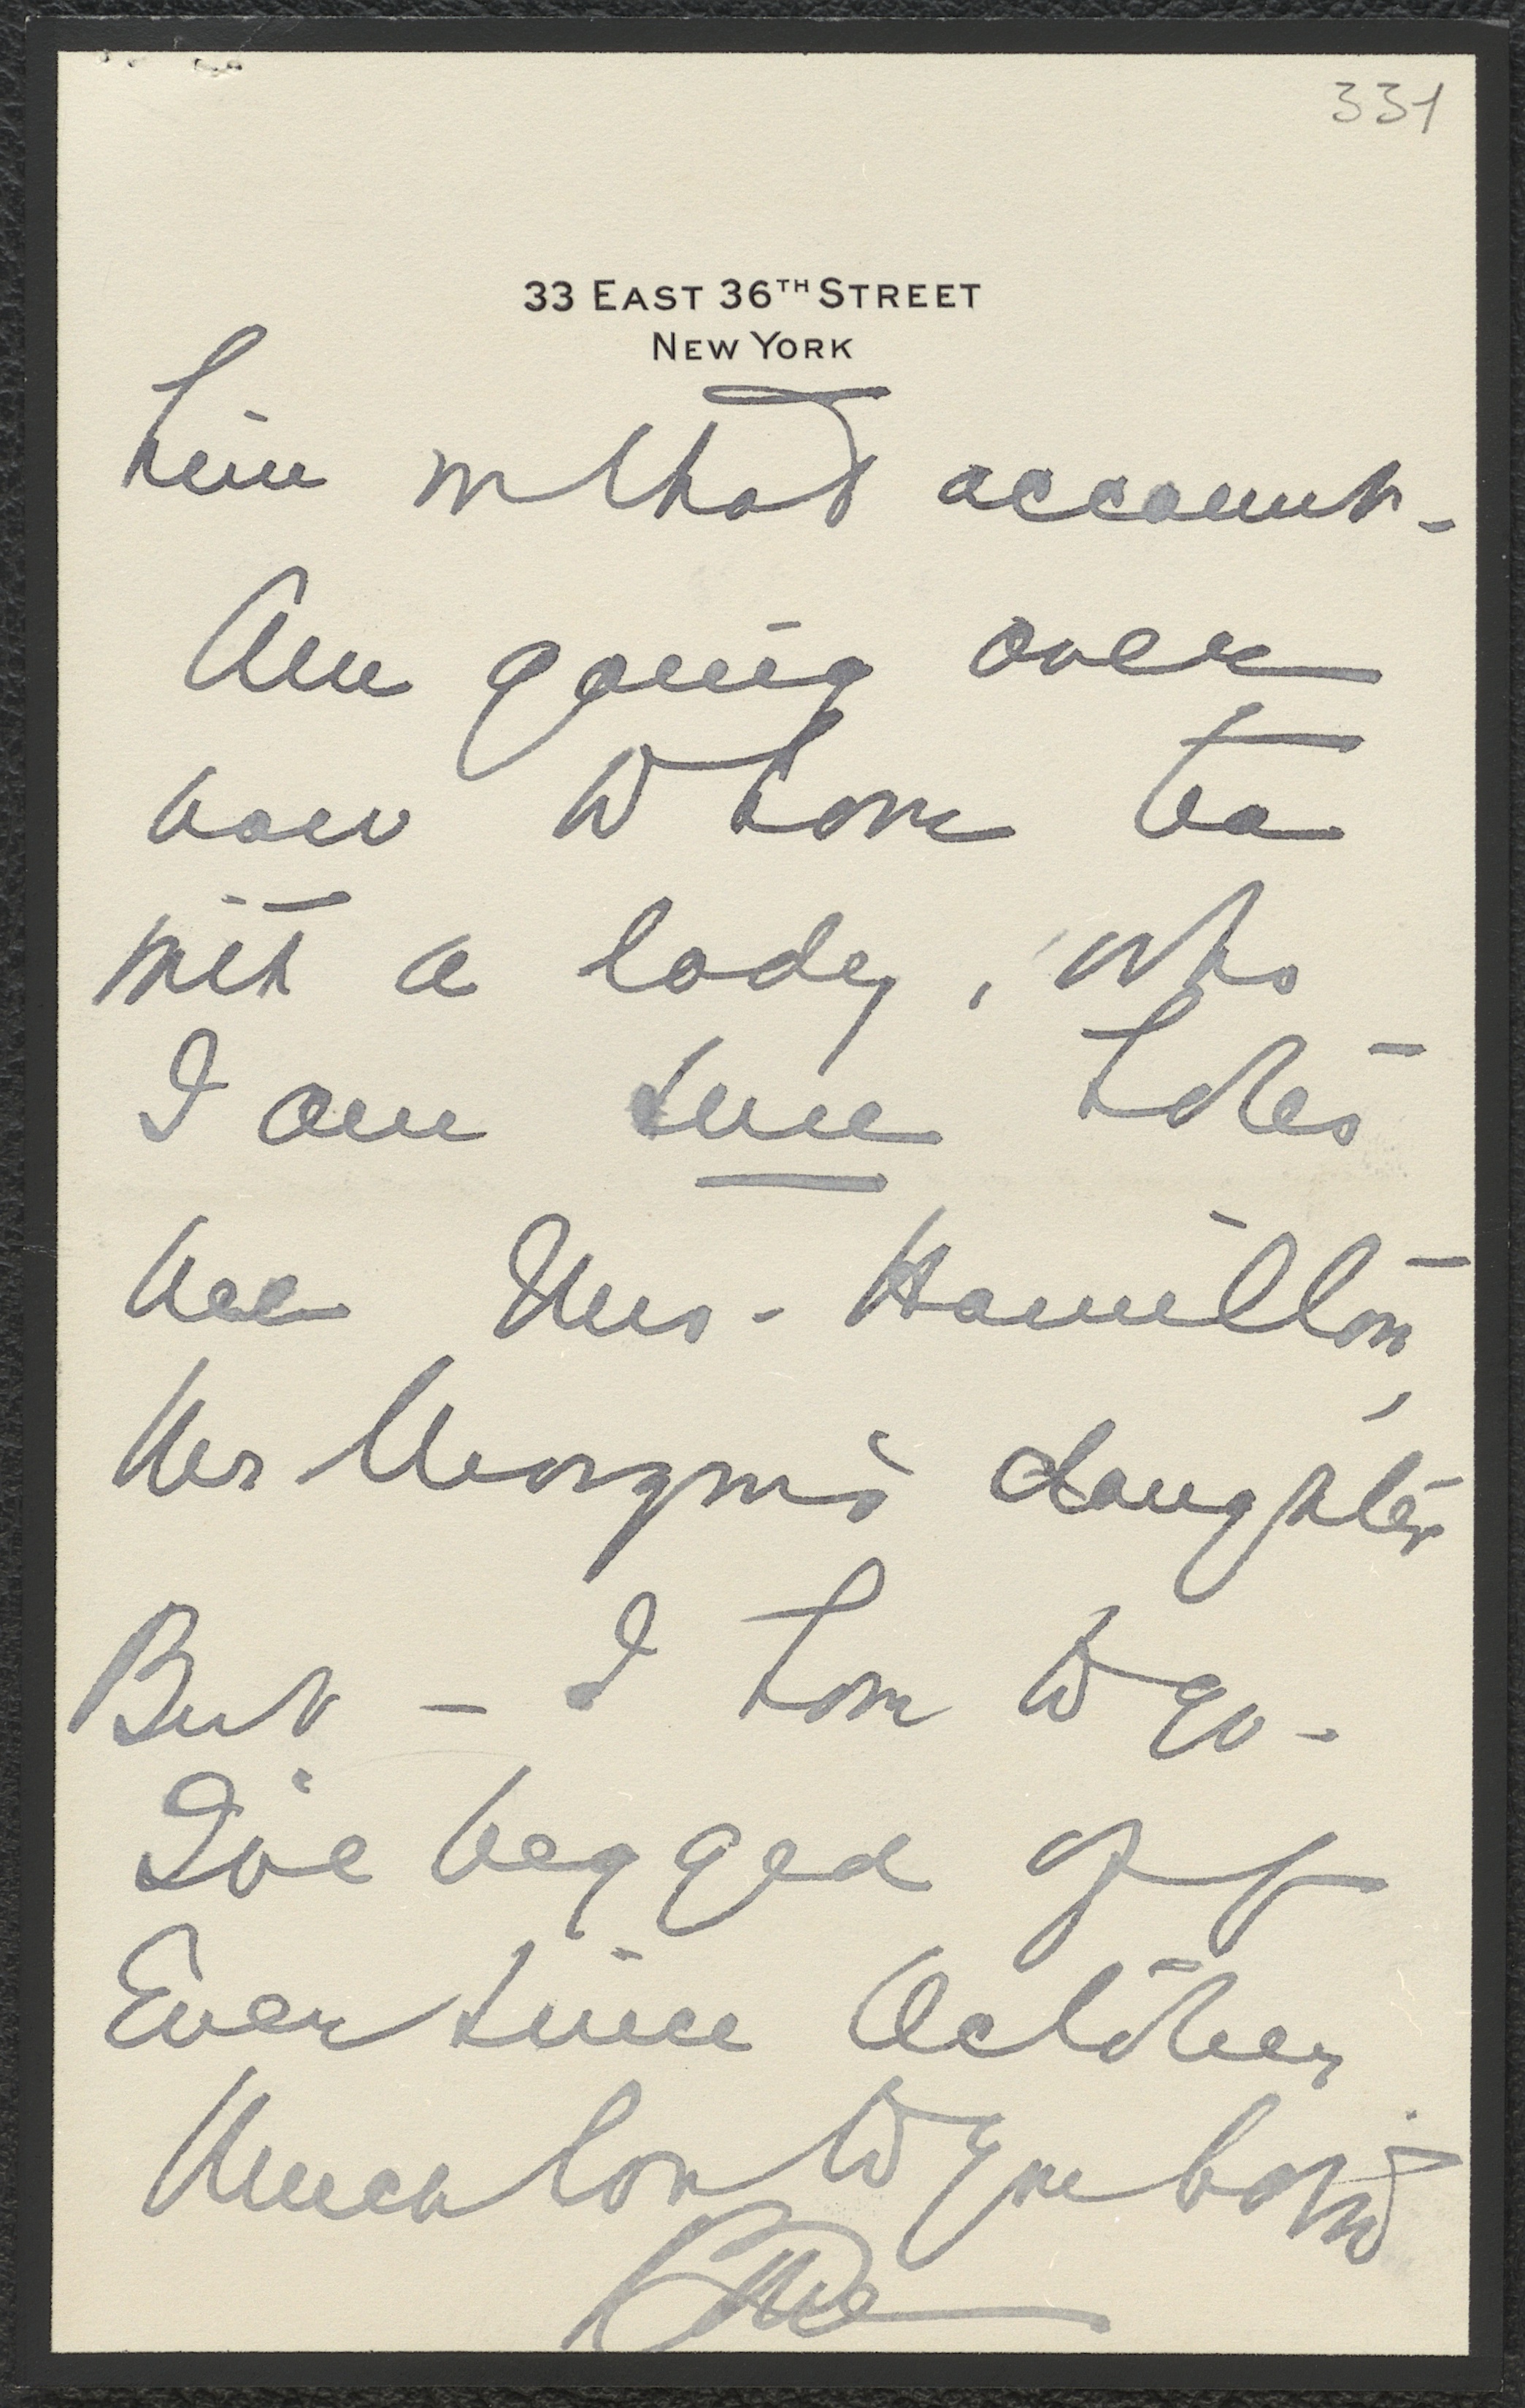him on that account –
Am going over now to have tea with a lady, who I am sure hates me Mrs. Hamilton, Mr. Morgan’s daughter But – I have to go –
I’ve begged off ever since October.
Much love to you both
Belle